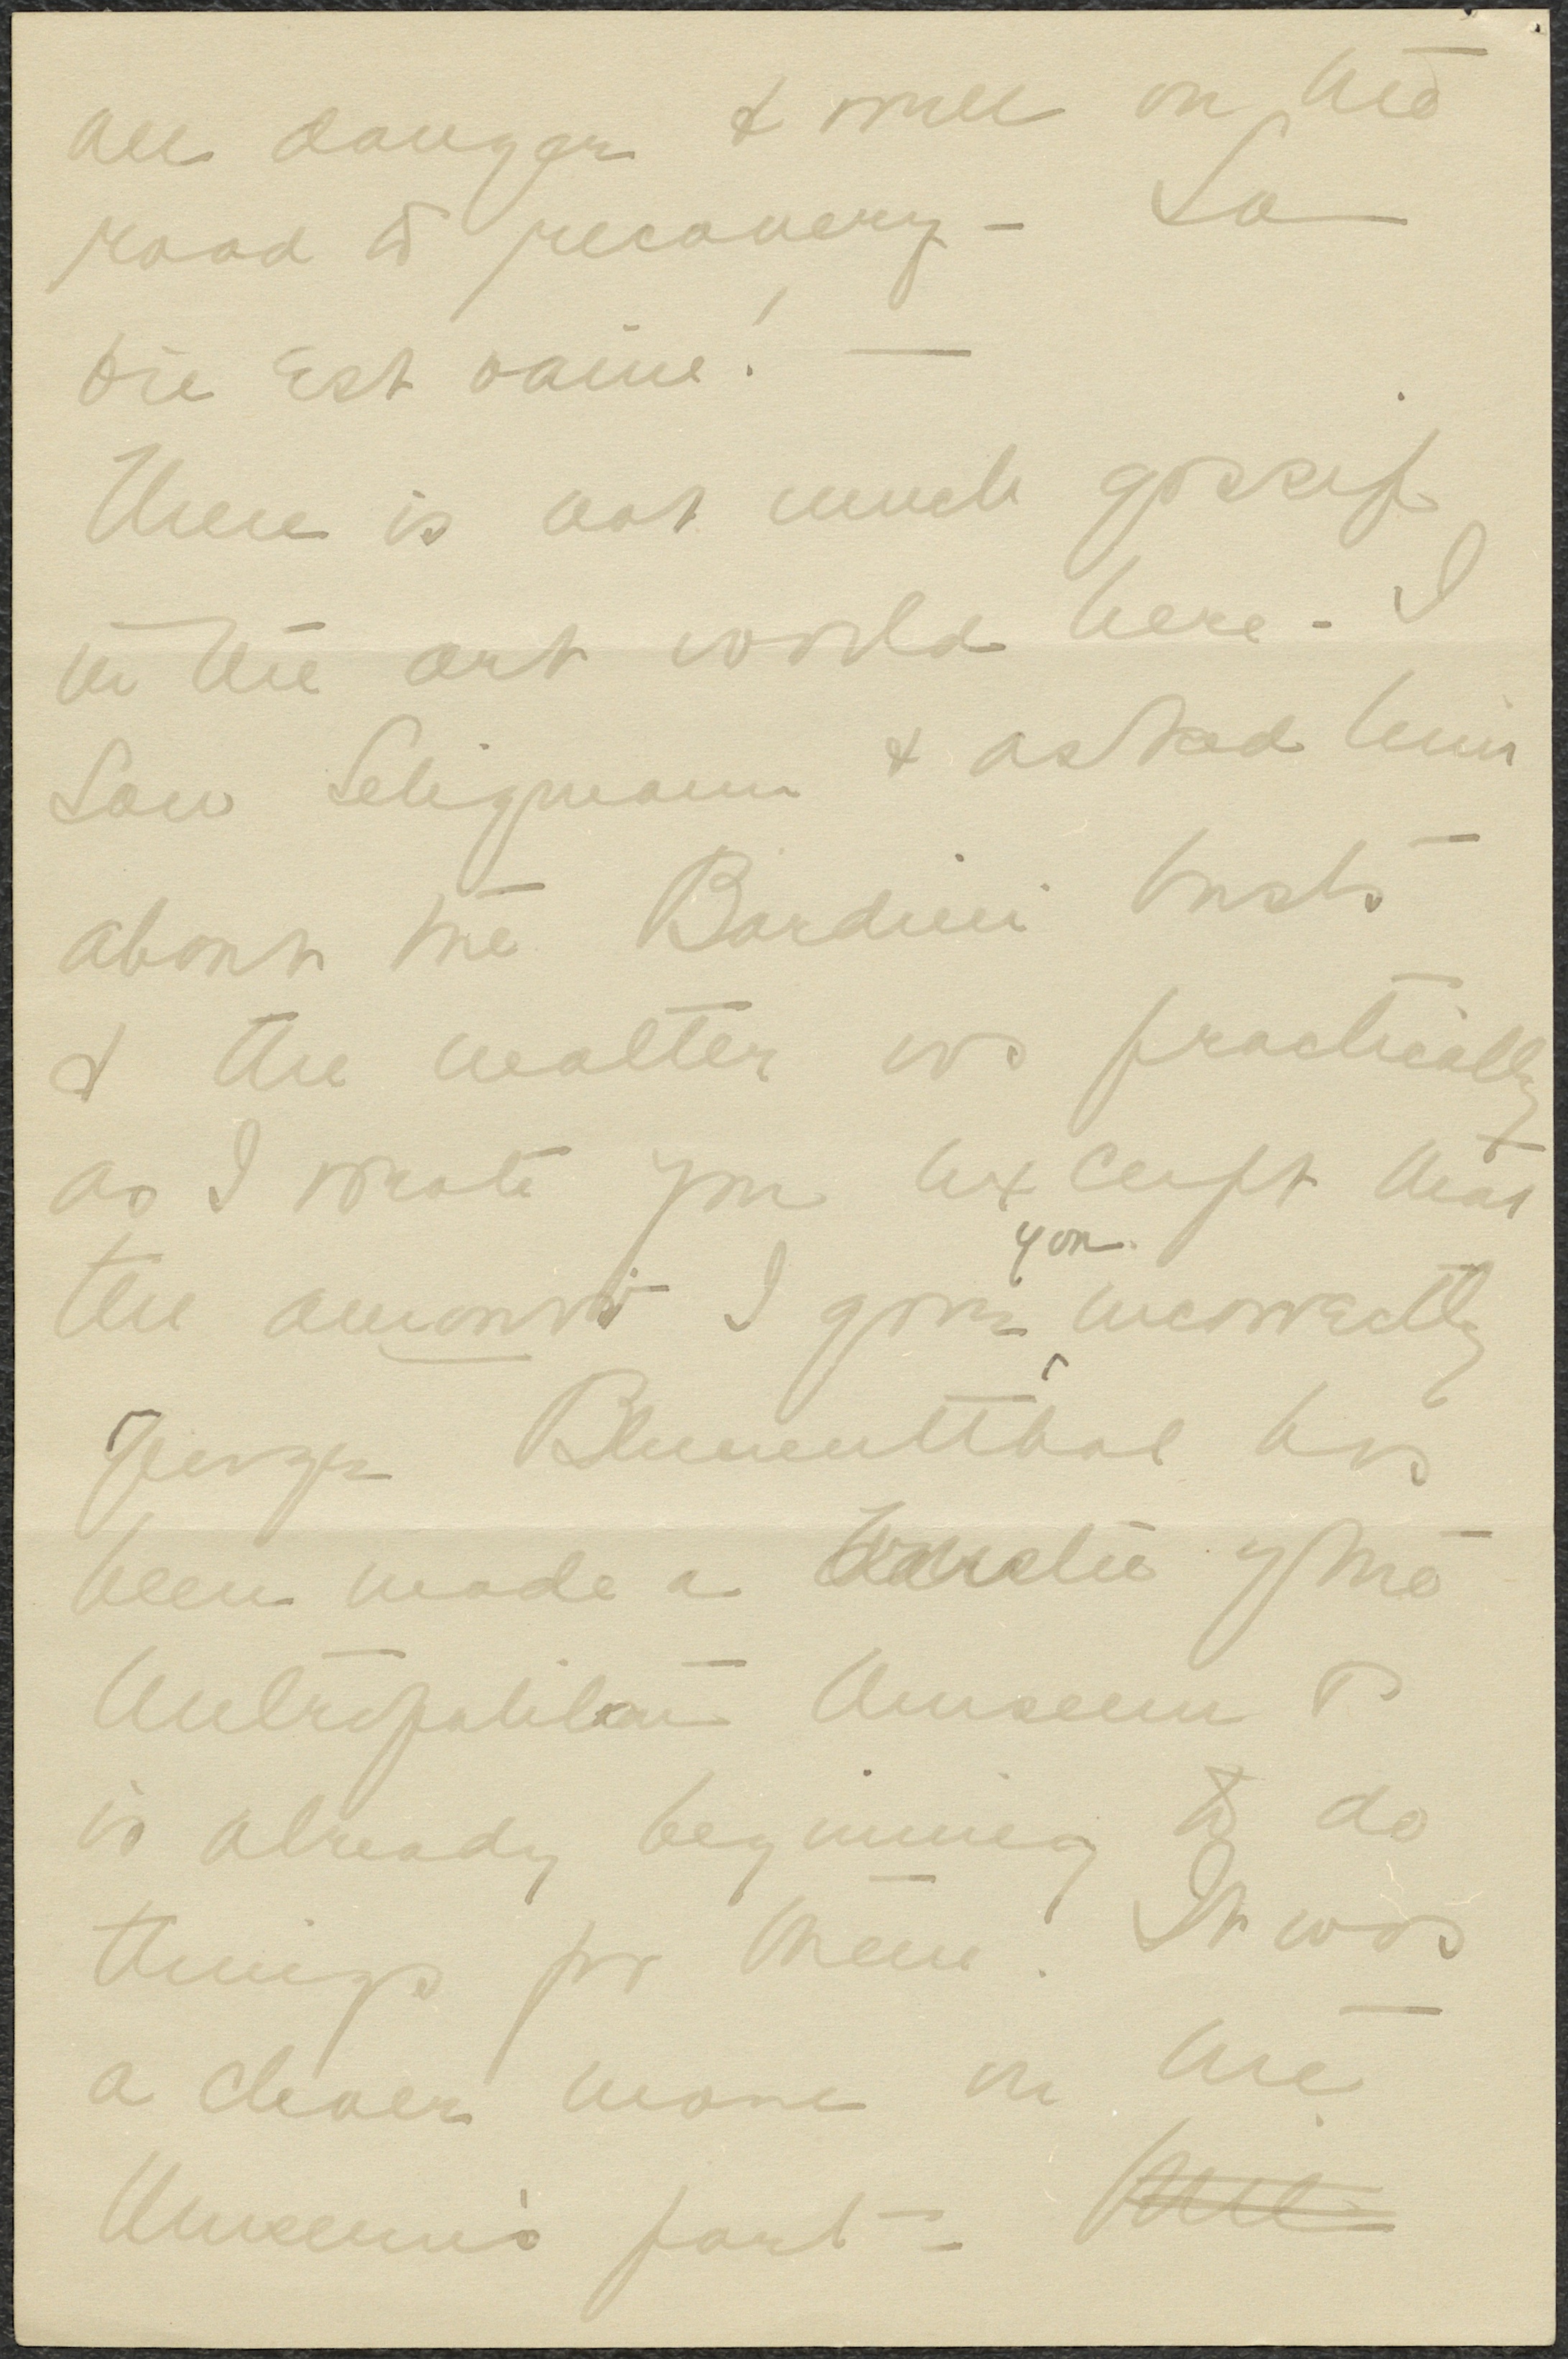all danger & well on the road to recovery – La vie est vaine! –
There is not much gossip in the art world here – I saw Seligmann & asked him about the Bardini busts & the matter was practically as I wrote you except that the amount I gave [ˆyouˆ] incorrectly
George Blumenthal has been made a Trustee of the Metropolitan Museum & is already beginning to do things for them. It was a clever move on the Museum’s part – Will